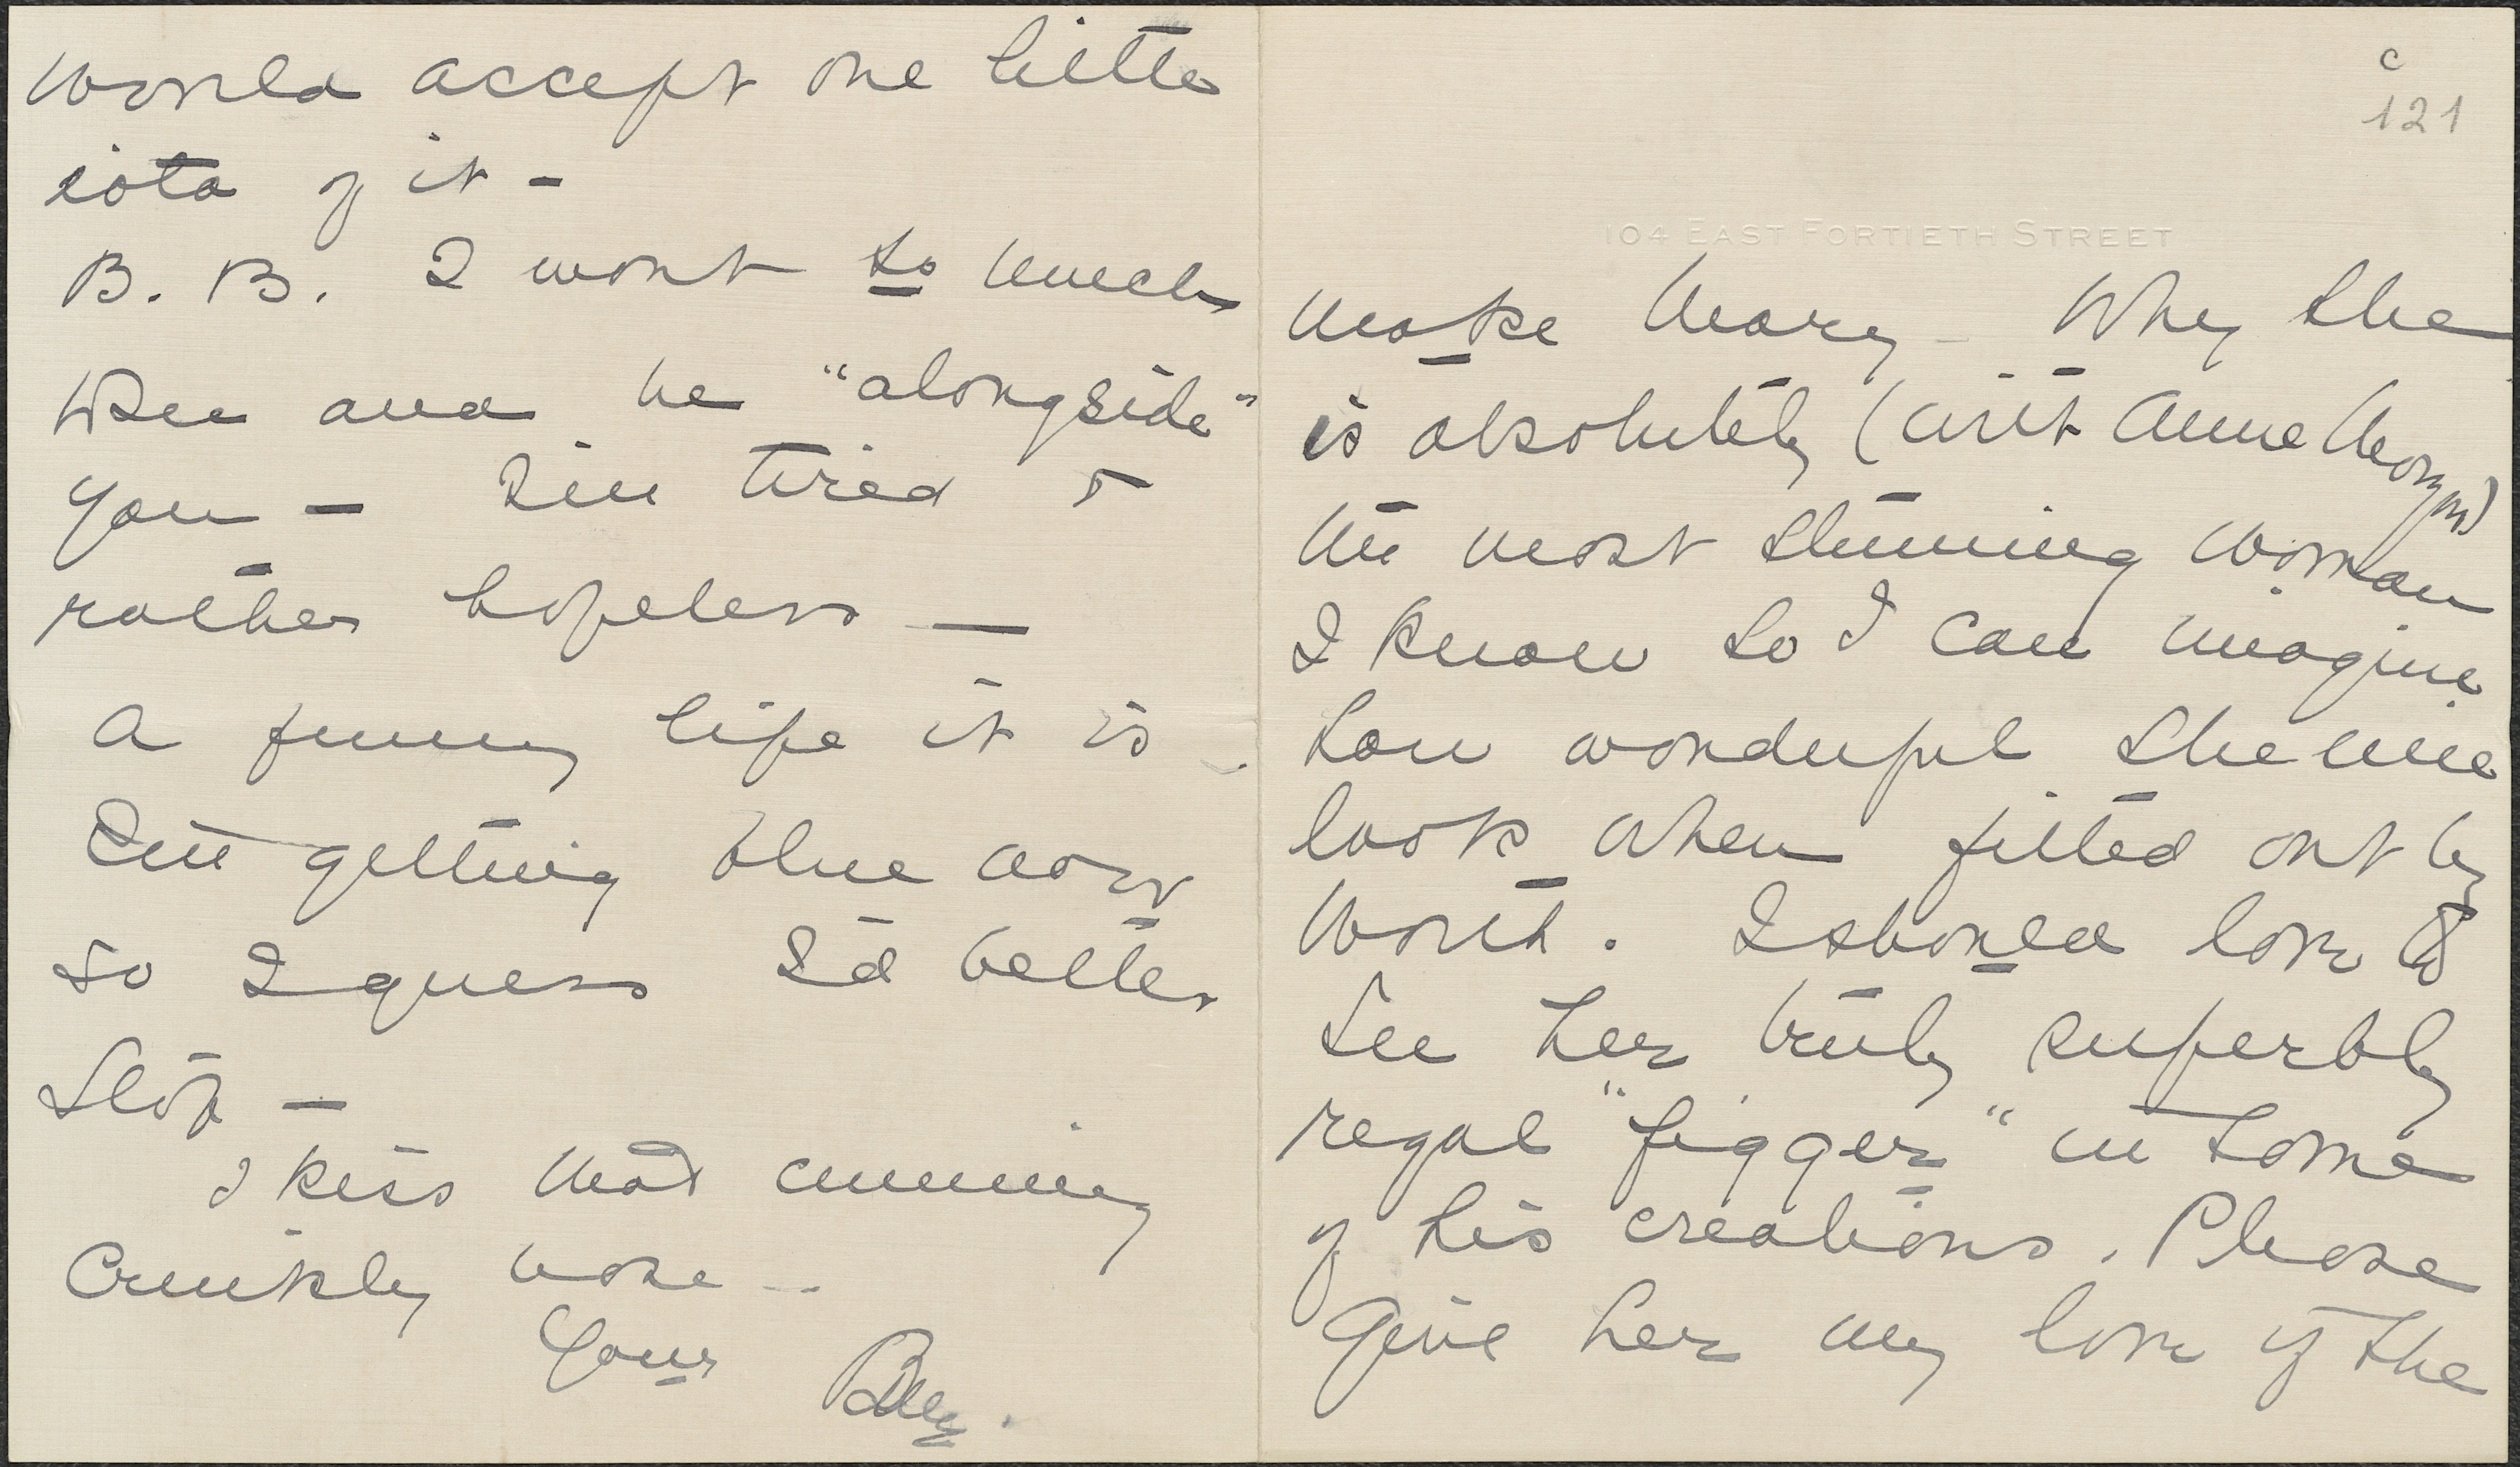make Mary – Why she is absolutely (with Anne Morgan) the most stunning woman I know so I can imagine how wonderful she will look when fitted out by worth. I should love to see her truly superbly regal “figger” in some of his creations. Please give her my love if she
would accept one little iota of it –
B. B. I want so much to see and be “alongside” you – I’m tired & rather hopeless –
a funny life it is – I’m getting blue now so I guess I’d better stop –
I kiss that cunning crinkly nose –
Your Belle